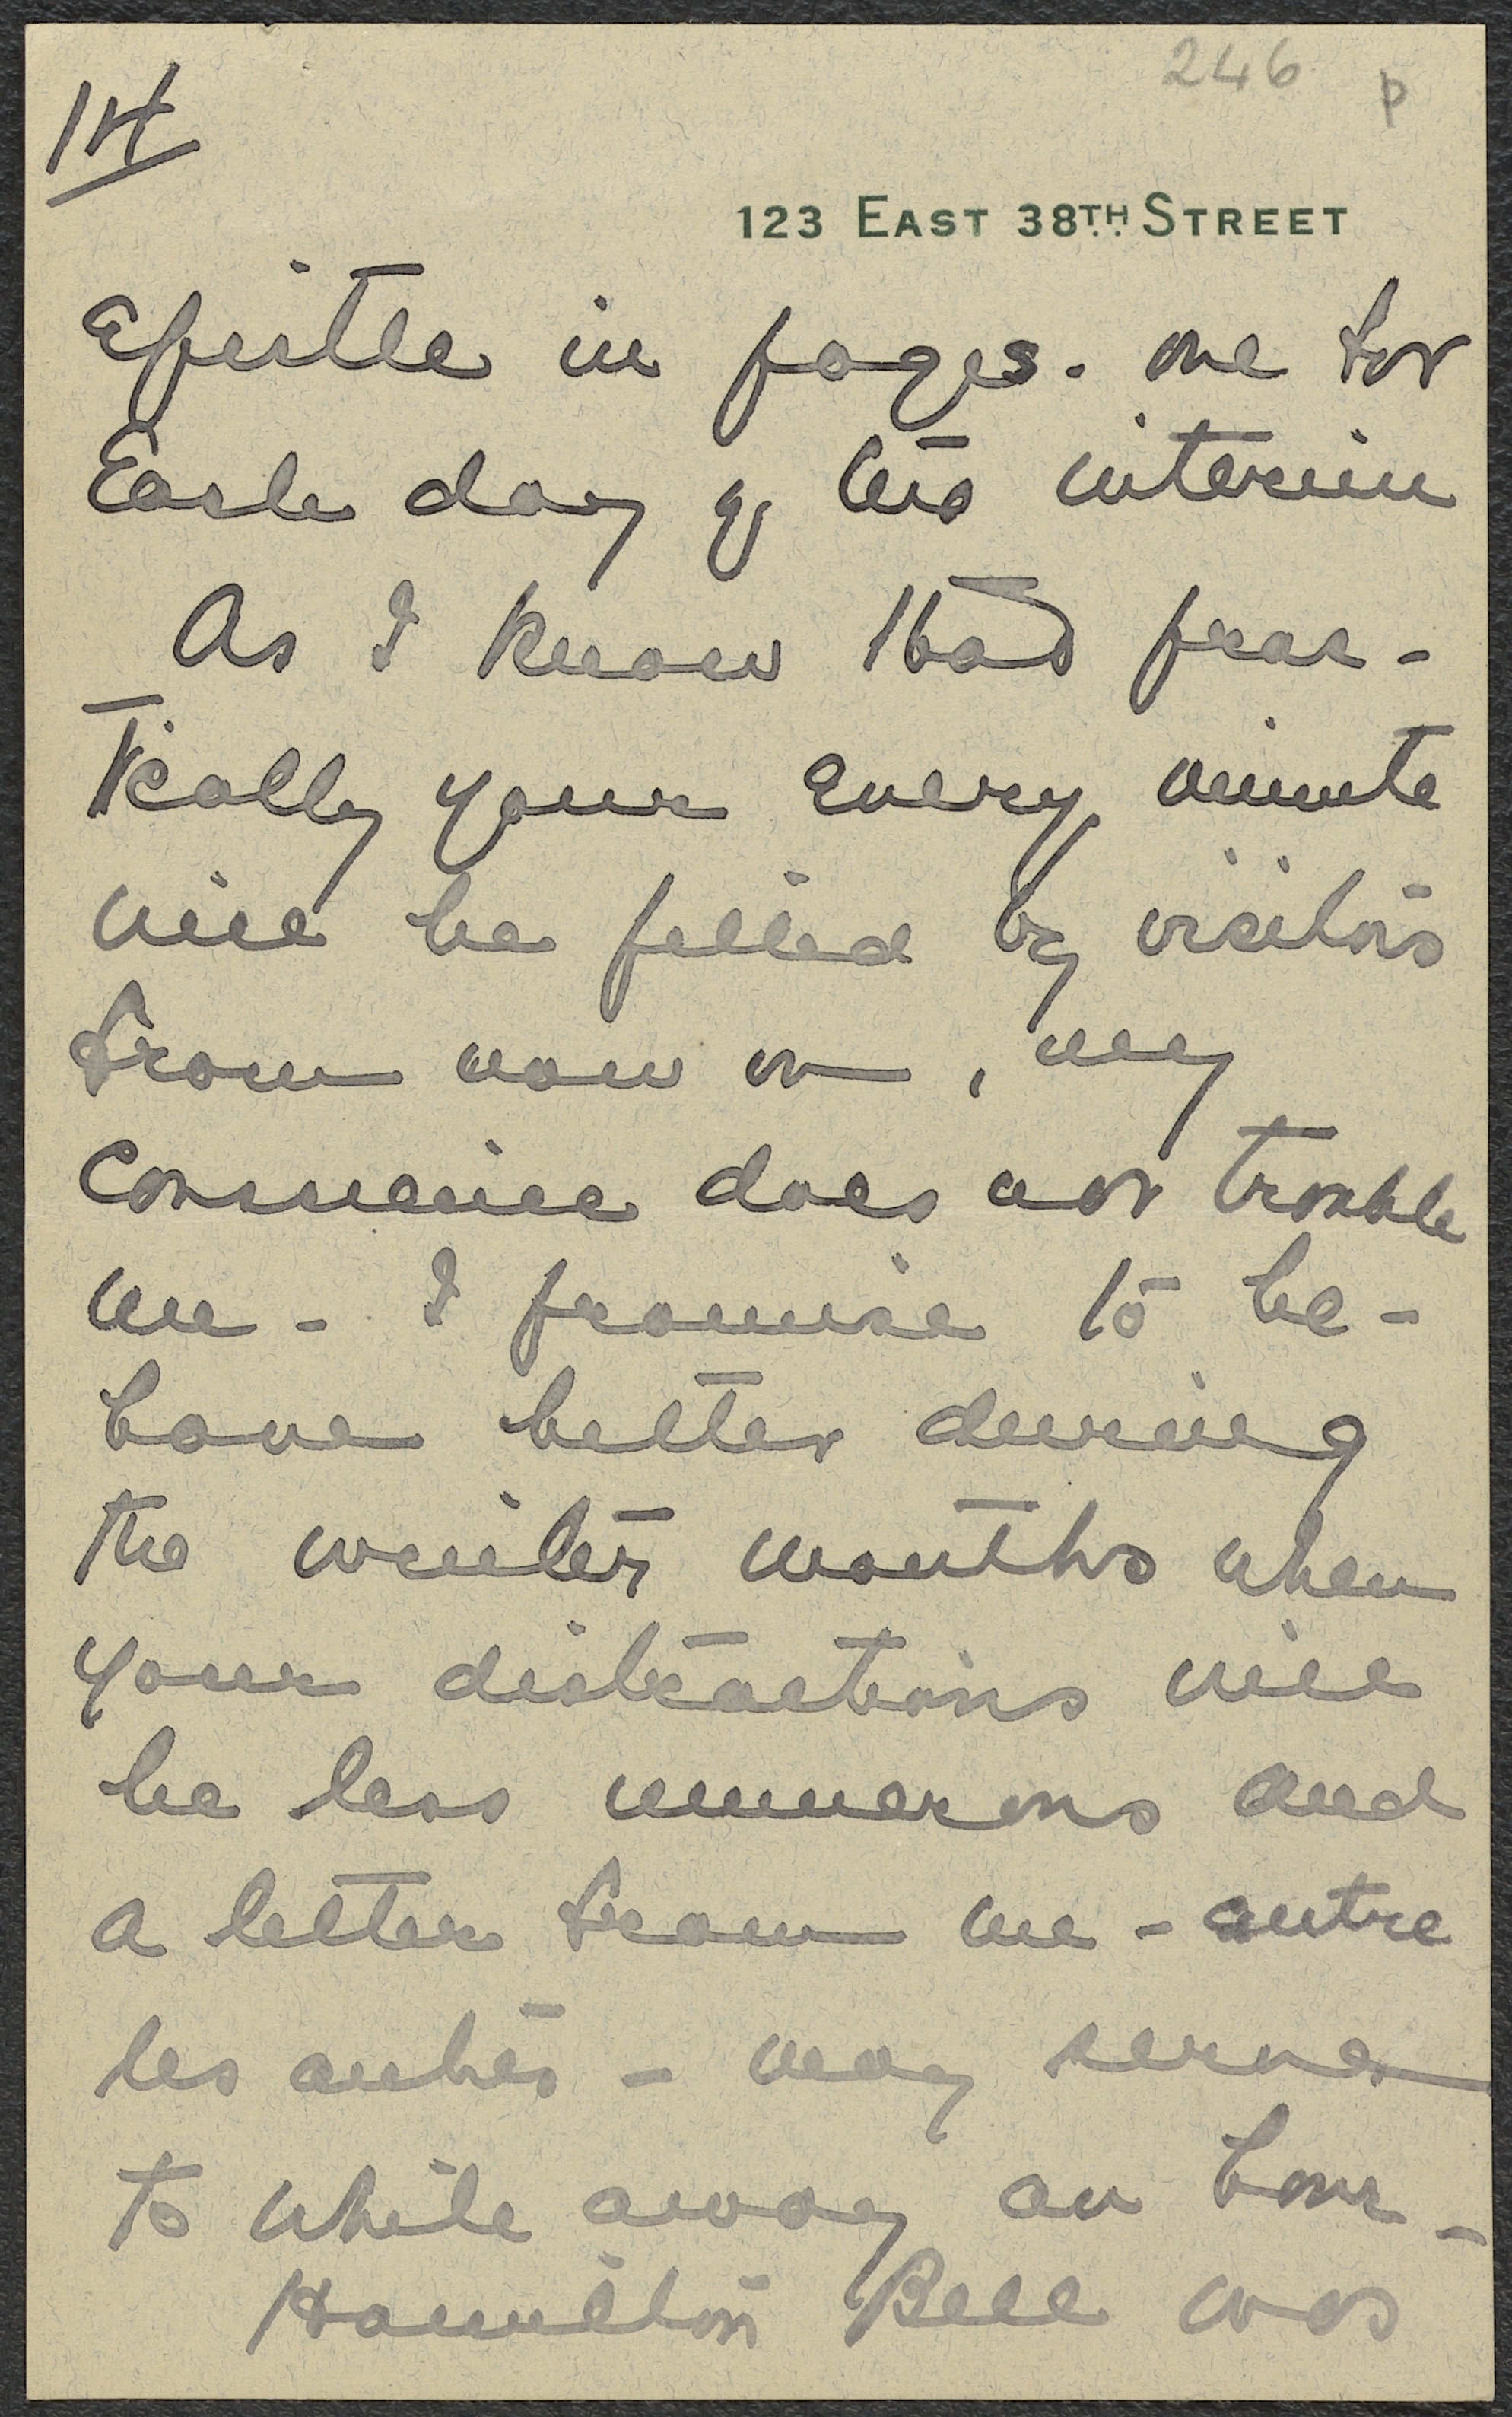14/
epistle in pages – one for each day of the interim
As I know that practically your every minute will be filled by visitors from now on, my conscience does not trouble me – I promise to behave better during the winter months when your distractions will be less numerous and a letter from me – outre les autres – may serve to while away an hour – Hamilton Bell was